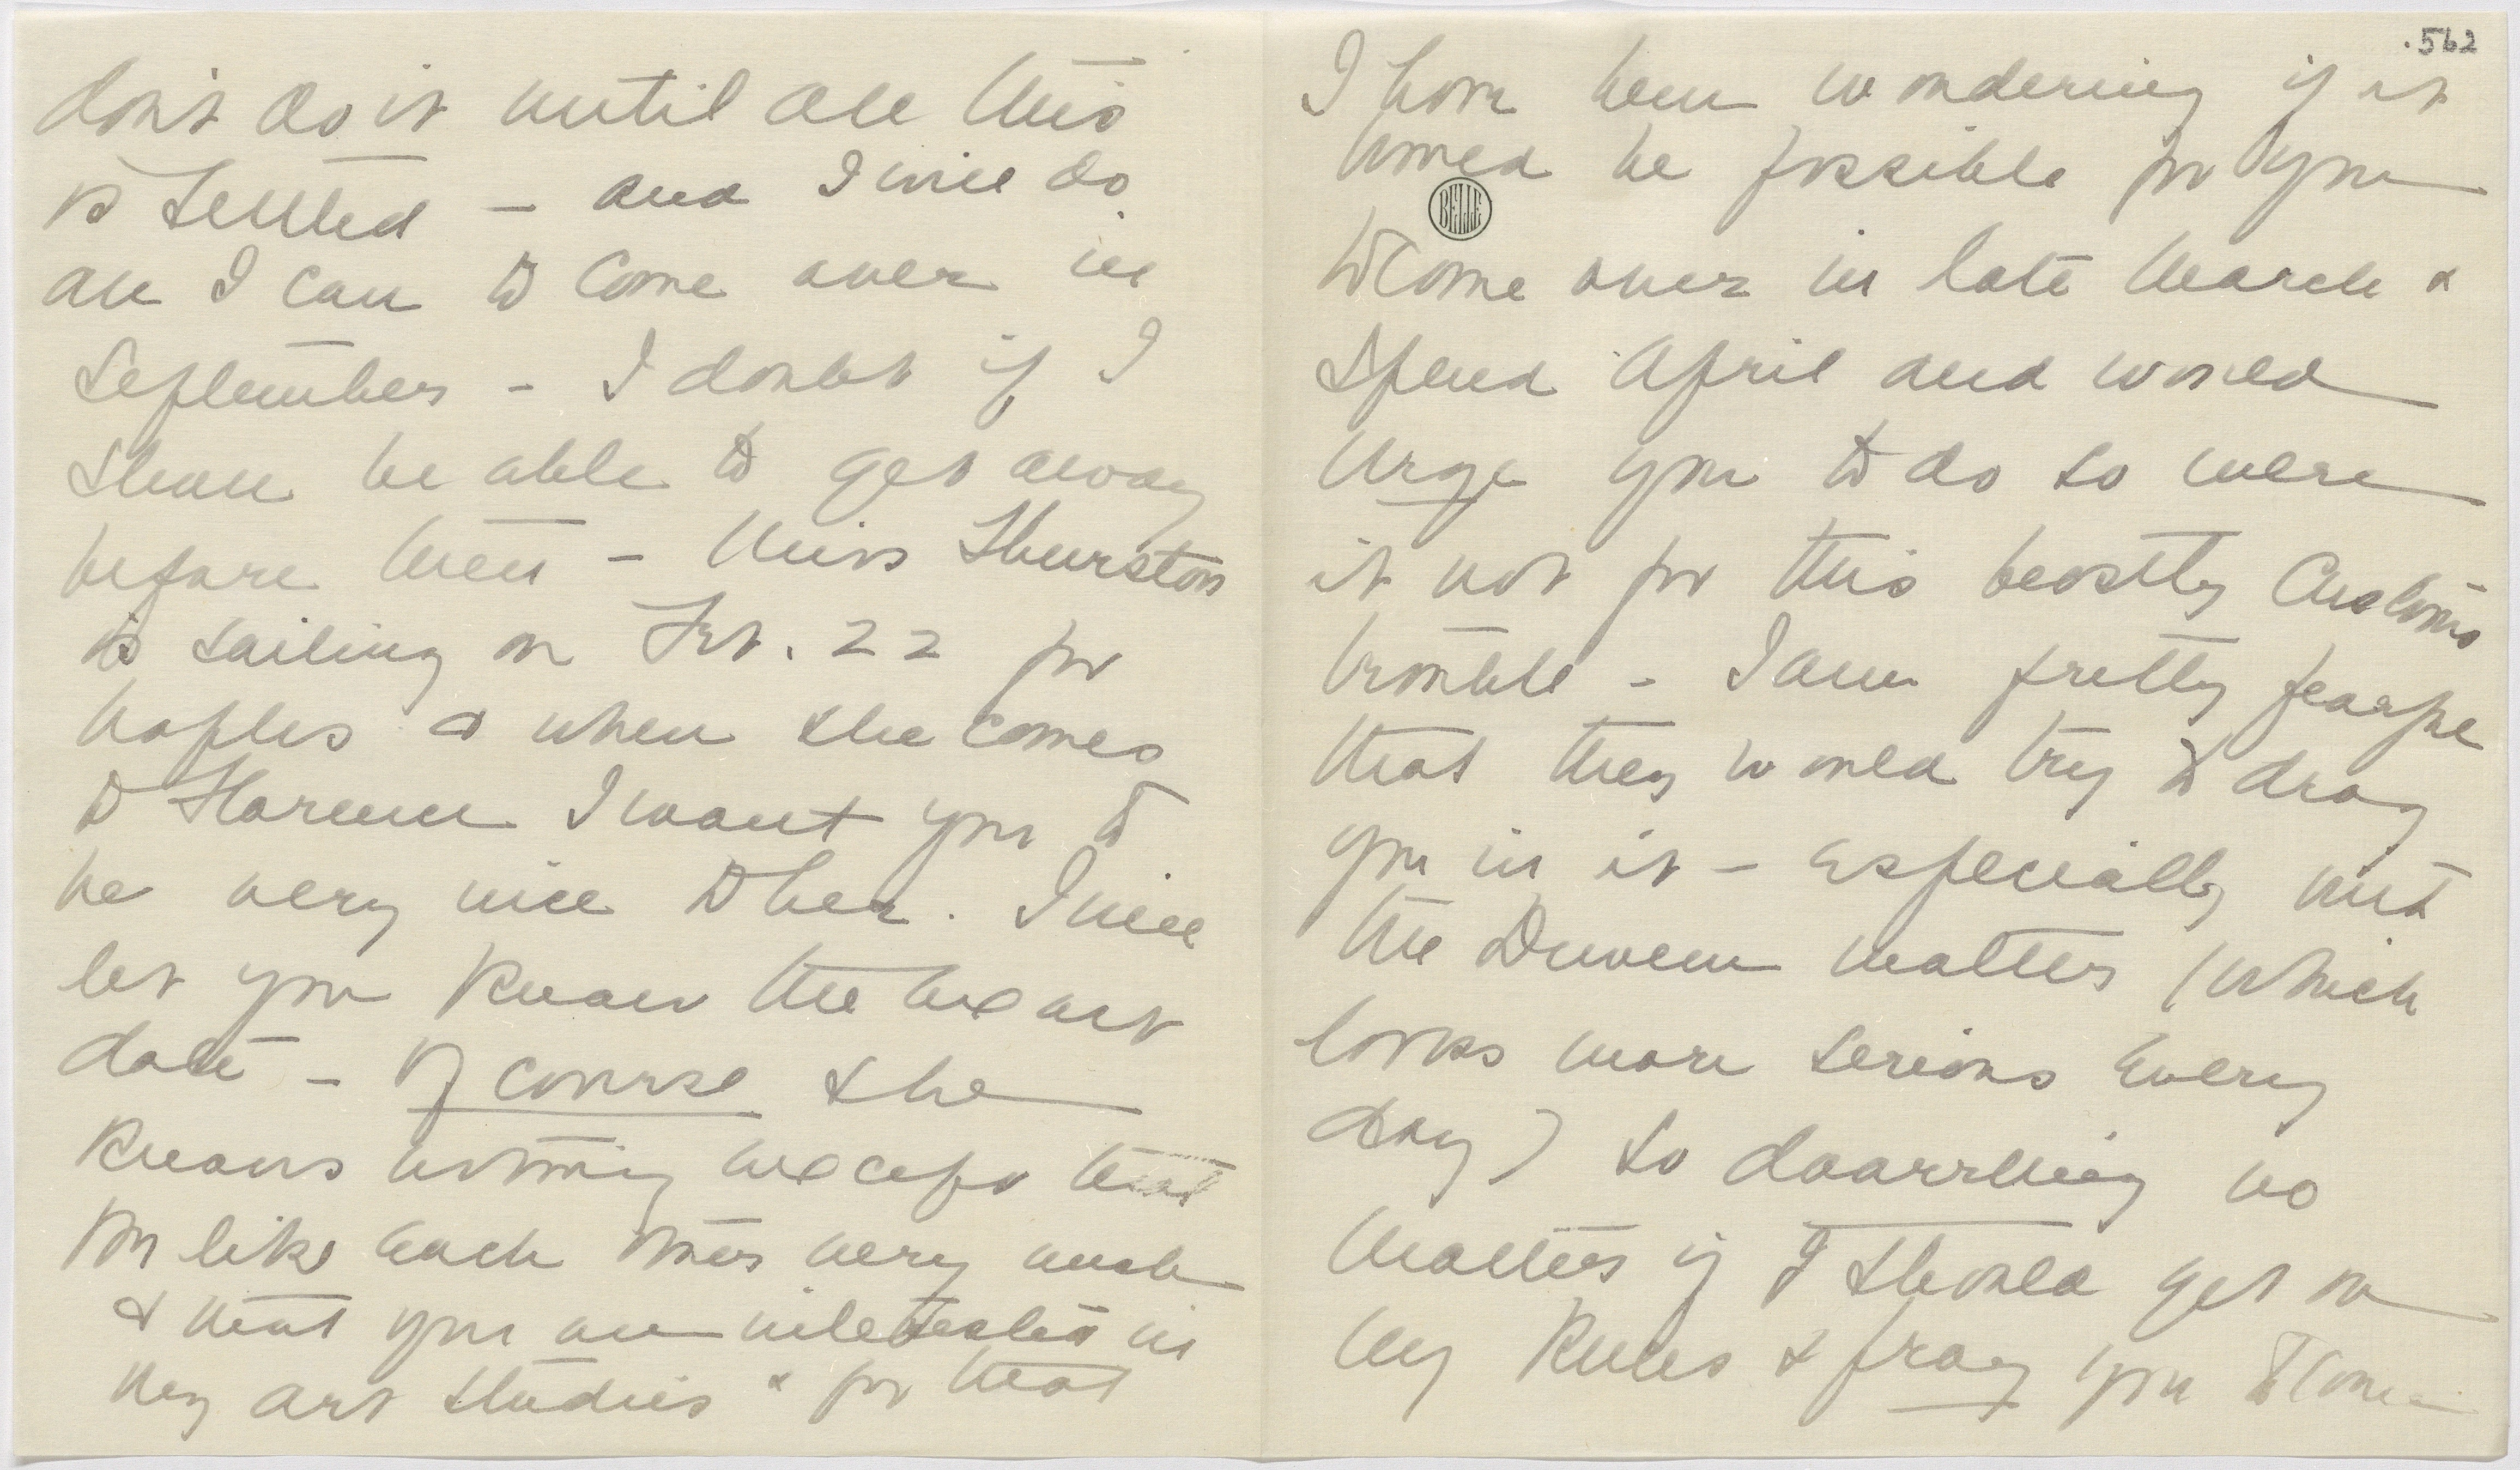I have been wondering if it would be possible for you to come over in late March & spend April and would urge you to do so were it not for this beastly Customs trouble – I am pretty fearful that they would try to drag you in it – especially with the Duveen matter (which looks more serious every day) so daarrling no matter if I should get on my knees & pray you to come.
don’t do it until all this is settled – and I will do all I can to come over in September – I doubt if I shall be able to get away before then – Miss Thurston is sailing on Feb. 22 for Naples & when she comes to Florence I want you to be very nice to her. I will let you know the exact date – of course she knows nothing except that we like each other very much & that you are interested in my art studies & for that